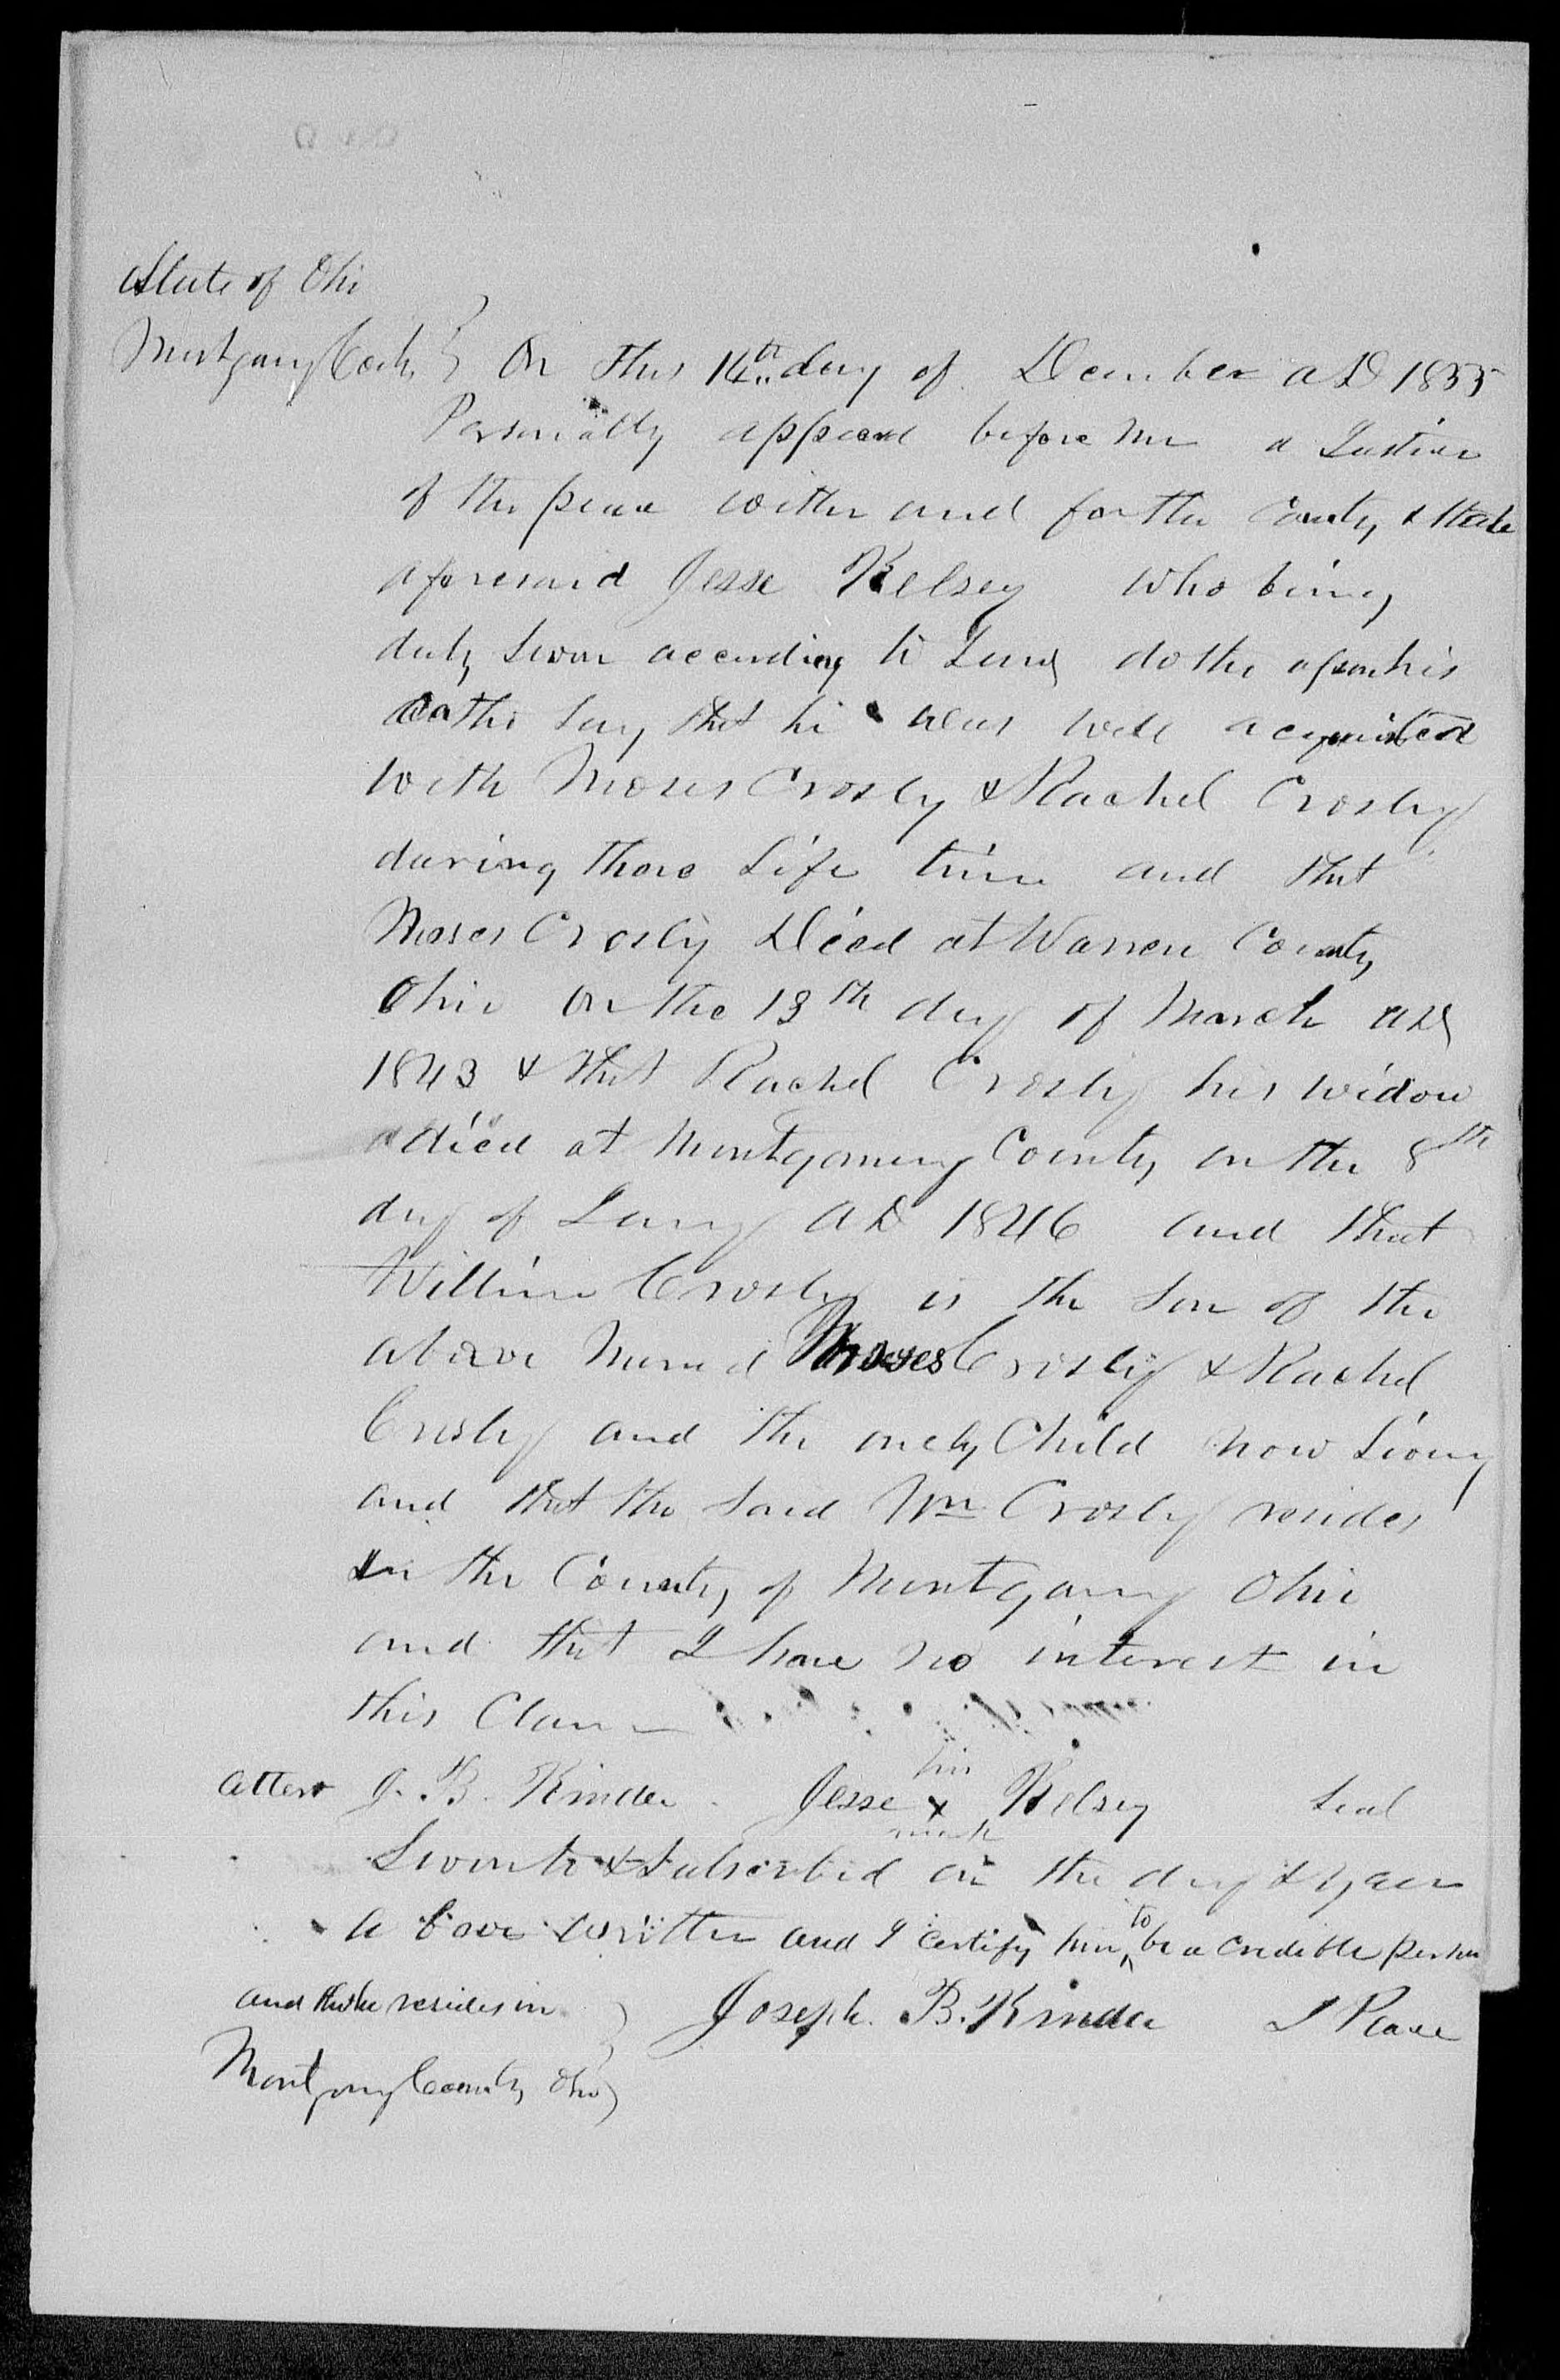State of Ohio
Montgomery County

On this 14th day of December AD 1855 personally appeared before me a justice of the peace within and for the county and state aforesaid Jesse Kelsey who being duly sworn according to law doth on his oath say that he was well acquainted with Moses Crosley & Rachel Crosley during their lifetime and that Moses Crosley died at Warren County Ohio on the 13th day of March AD 1843 & that Rachel Crosley his widow died at Montgomery County on the 7th day of Jany AD 1846 and that William Crosley is the son of the above named Moses Crosley & Rachel Crosley and the only child now living and that the said Wm Crosley resides in the county of Montgomery Ohio and that I have no interest in this claim

Jesse Kelsey - SEAL
His X Mark

Attest: J B Kindle

Sworn & subscribed on the day & year above written and I certify him to be a credible person and that he resides in Montgomery County Ohio

Joseph B Kindle - JP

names: Joseph B Kindle, J B Kindle, Jesse Kelsey, Willim Crosly, Rachel Crosley, Moses Crosly, Jesse Kelsey, Rachel Crosly, Moses Crosly, Moses Crosly, Rachel Crosly, Wm Crosly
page: 29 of 37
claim: rejected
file: R. 2516, Moses Crosley, Md.